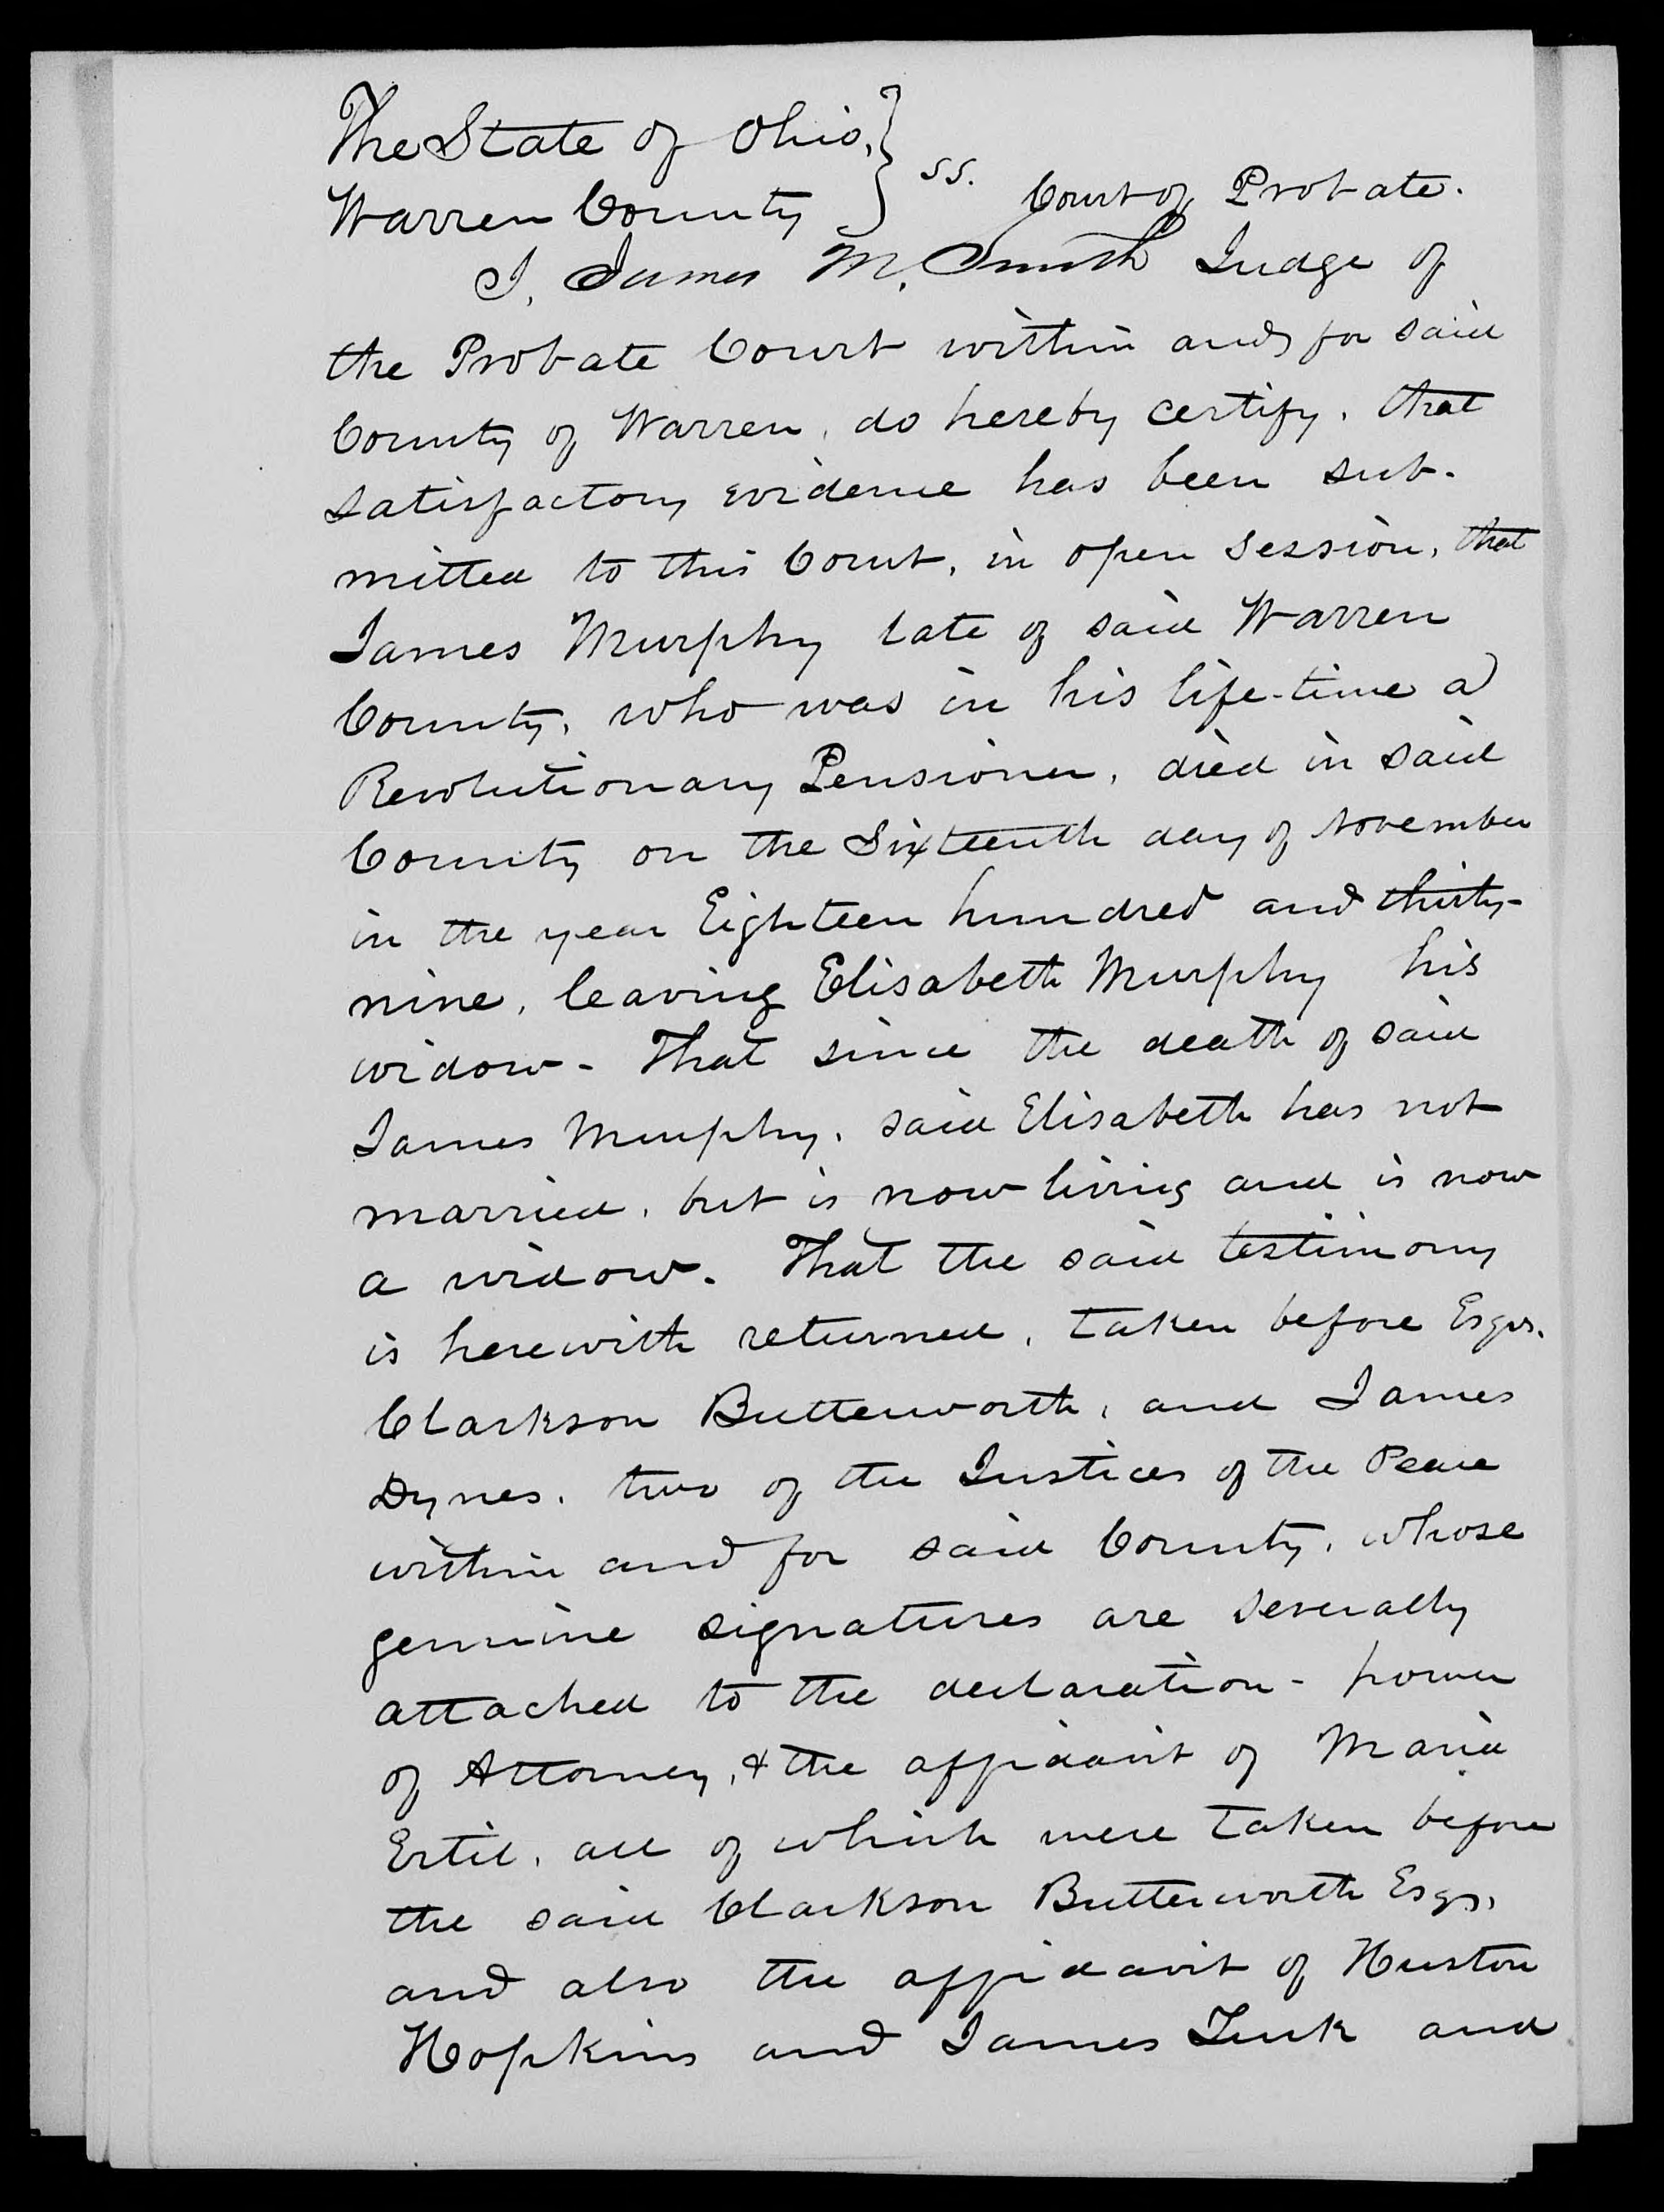The State of Ohio,
Warren County   SS

Court of Probate

I James M. Smith Judge of
the Probate Court within and for said
County of Warren, do hereby certify, that
satisfactory evidence has been submitted
to this Court, in open Session, that
James Murphy late of said Warren
County, who was in his lifetime a
Revolutionary Pensioner, died in said
County on the Sixteenth day of November
in the year Eighteen hundred and thirty-
nine, leaving Elizabeth Murphy
his widow. That since the death of said
James Murphy, said Elizabeth has not
married, but is now living and is now
a widow. That the said testimony
is herewith returned, taken before Esqr
Clarkson Butterworth, and James
Dynes two of the Justice of the Peace
within and for said County, whose
genuine signatures are severally
attached to the declaration, power
of Attorney, & the affidavit of Maria
Ertil, all of which were taken before
the said Clarkson Butterworth Esqr,
and also the affidavit of Huston
Hopkins and James Turk and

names: Maria Ertil; James Turk; James Dynes; Huston Hopkins; Elisabeth Murphy; James Murphy; Clarkson Butterworth; James M Smith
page: 21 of 57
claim: widow's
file: W. 25,739, for James Murphey, Pennsylvania